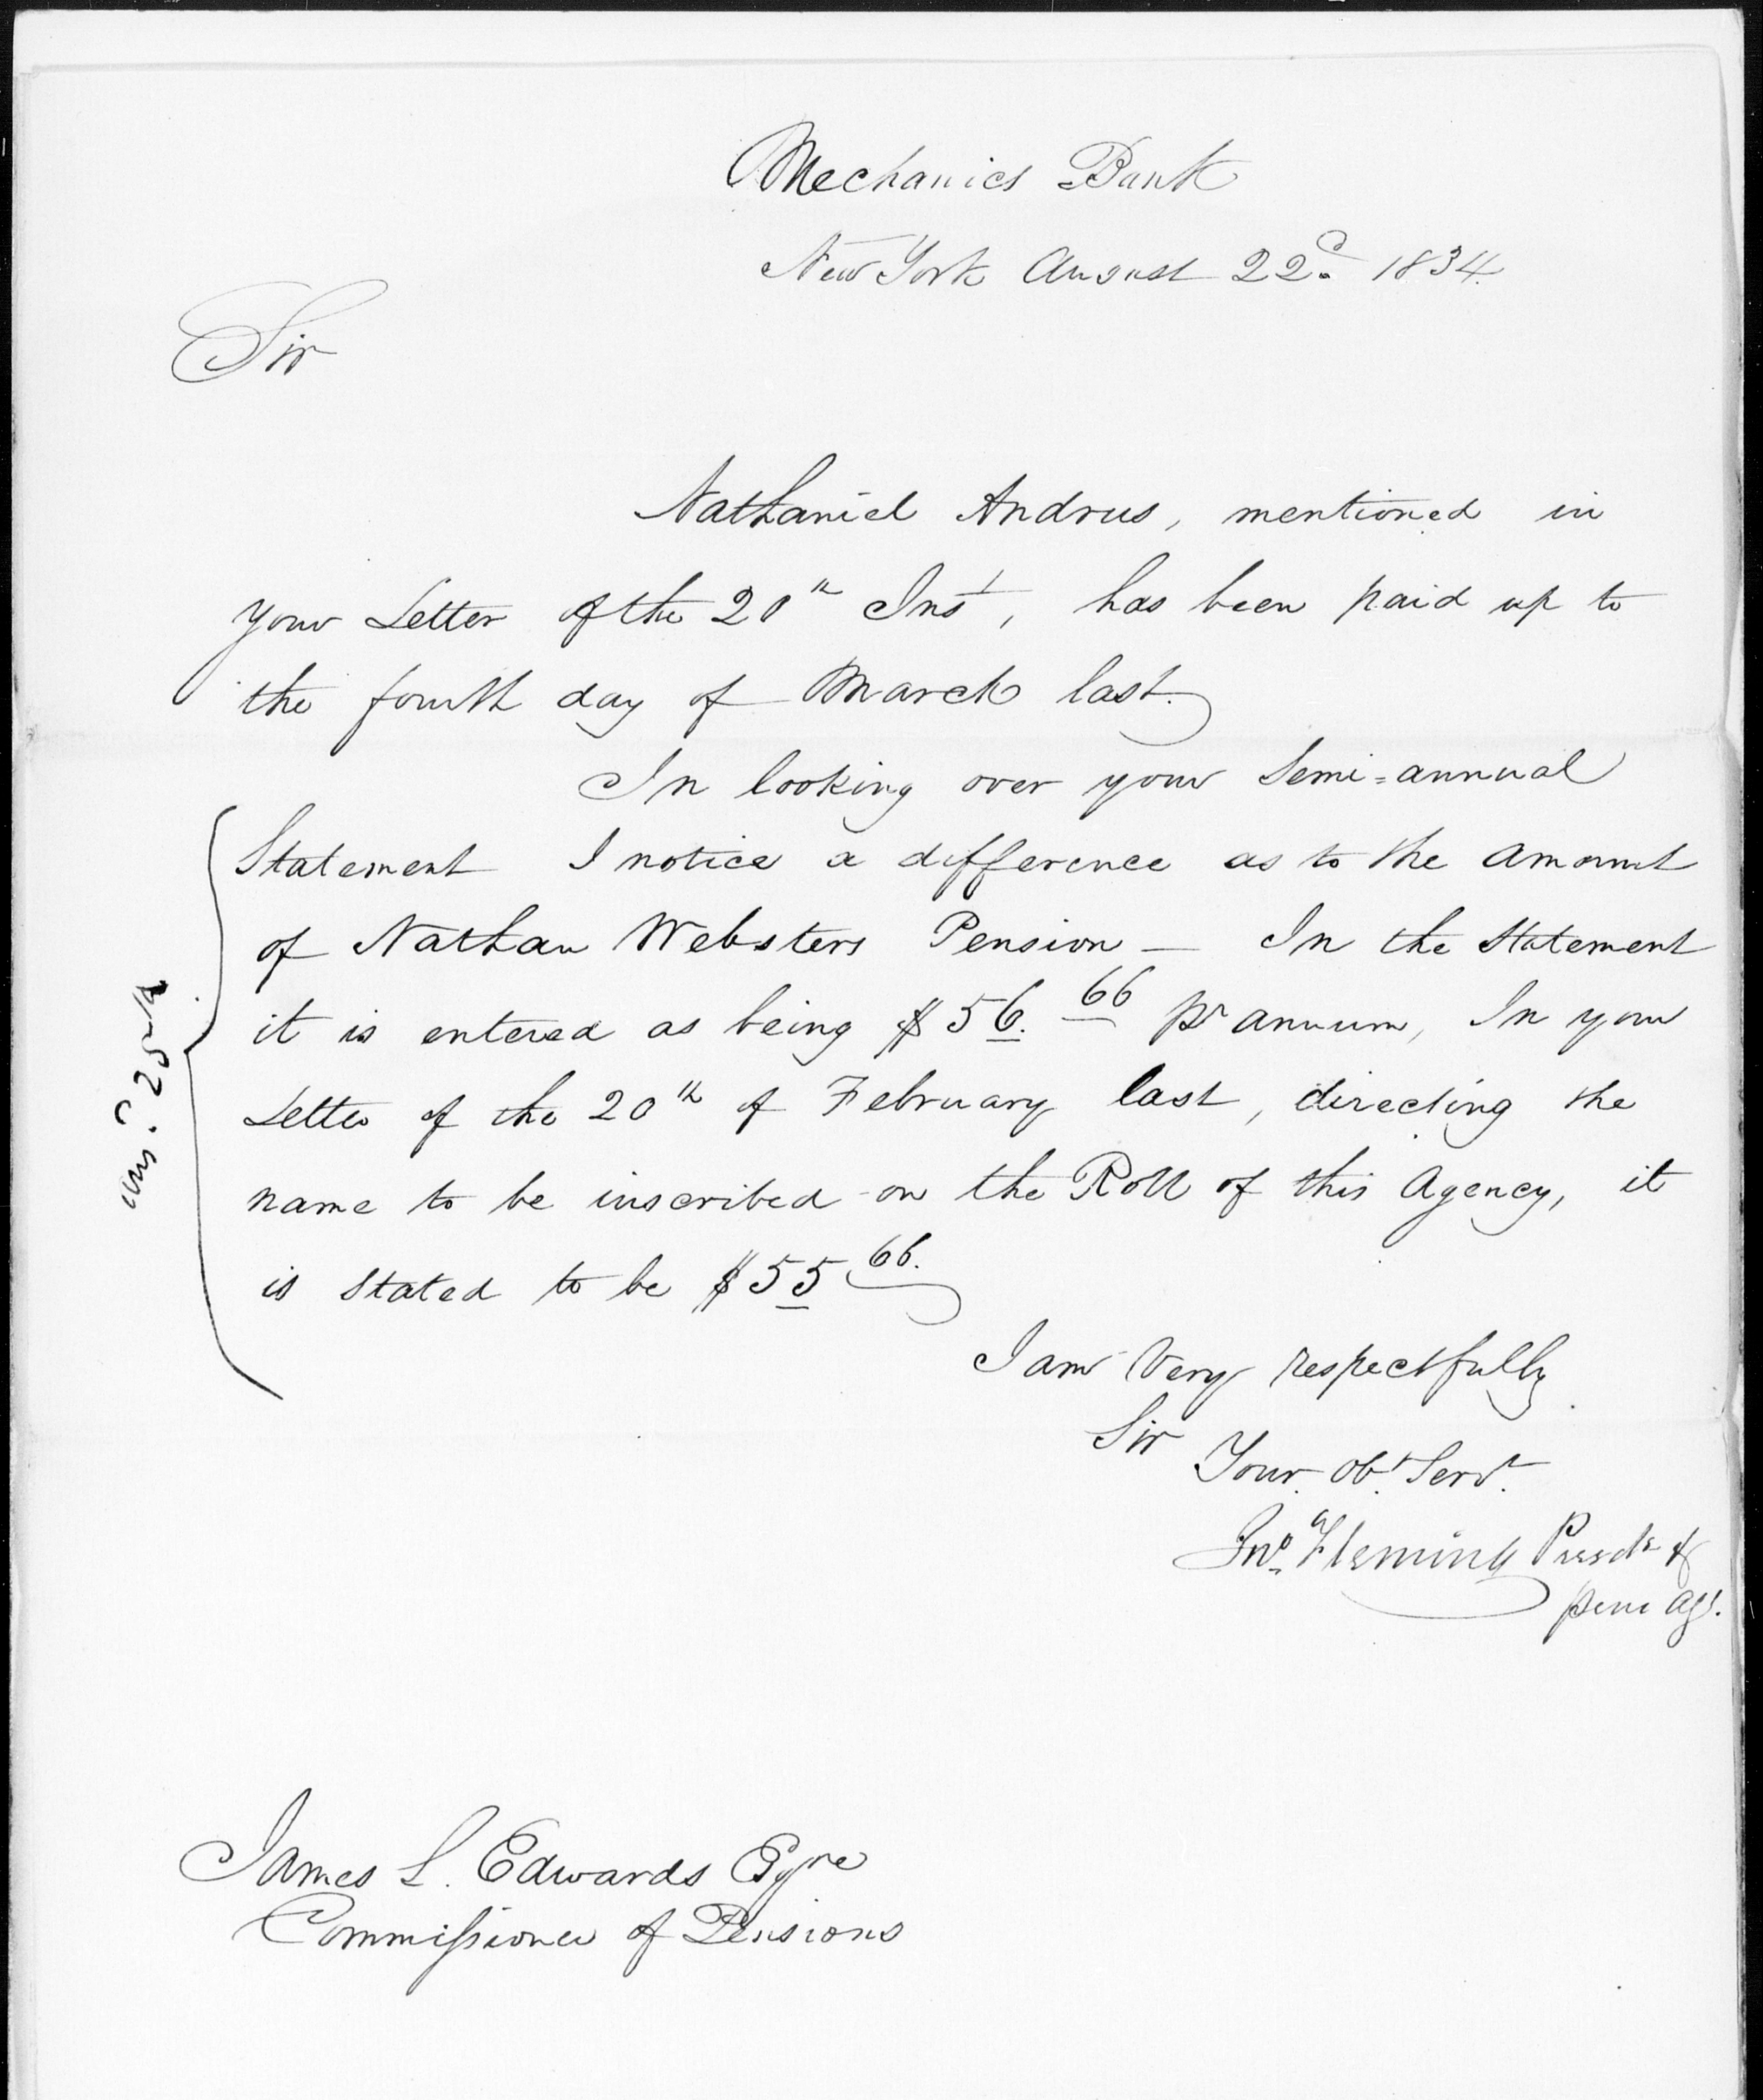Mechanics Bank
New York August 22d 1834
Sir
Nathaniel Andrews, mentioned in
your Letter of the 20th Jn, has been paid up to
the fourth day of March last
In looking over your semi-annual
Statement I notice a difference as to the amount
of Nathan Websters Pension In the Statement
it is entered as being $56.66 per annum, In your
Letter of the 20th of February last, directing the
name to be inscribed on the Roll of this Agency, it 
is stated to be $55.66
I am very respectfully
Sir
Your obt Servt
Jno Fleming
Commissioner of Pensions
Jno Fleming Presd of
Pen Age
James L Edwards Esqre
Commisioner of Pensions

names: Nathaniel Andrus, James L Edwards, Nathan Websters, Jno Fleming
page: 43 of 78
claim: widow's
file: W. 4117, Nathaniel Bradley, Conn.